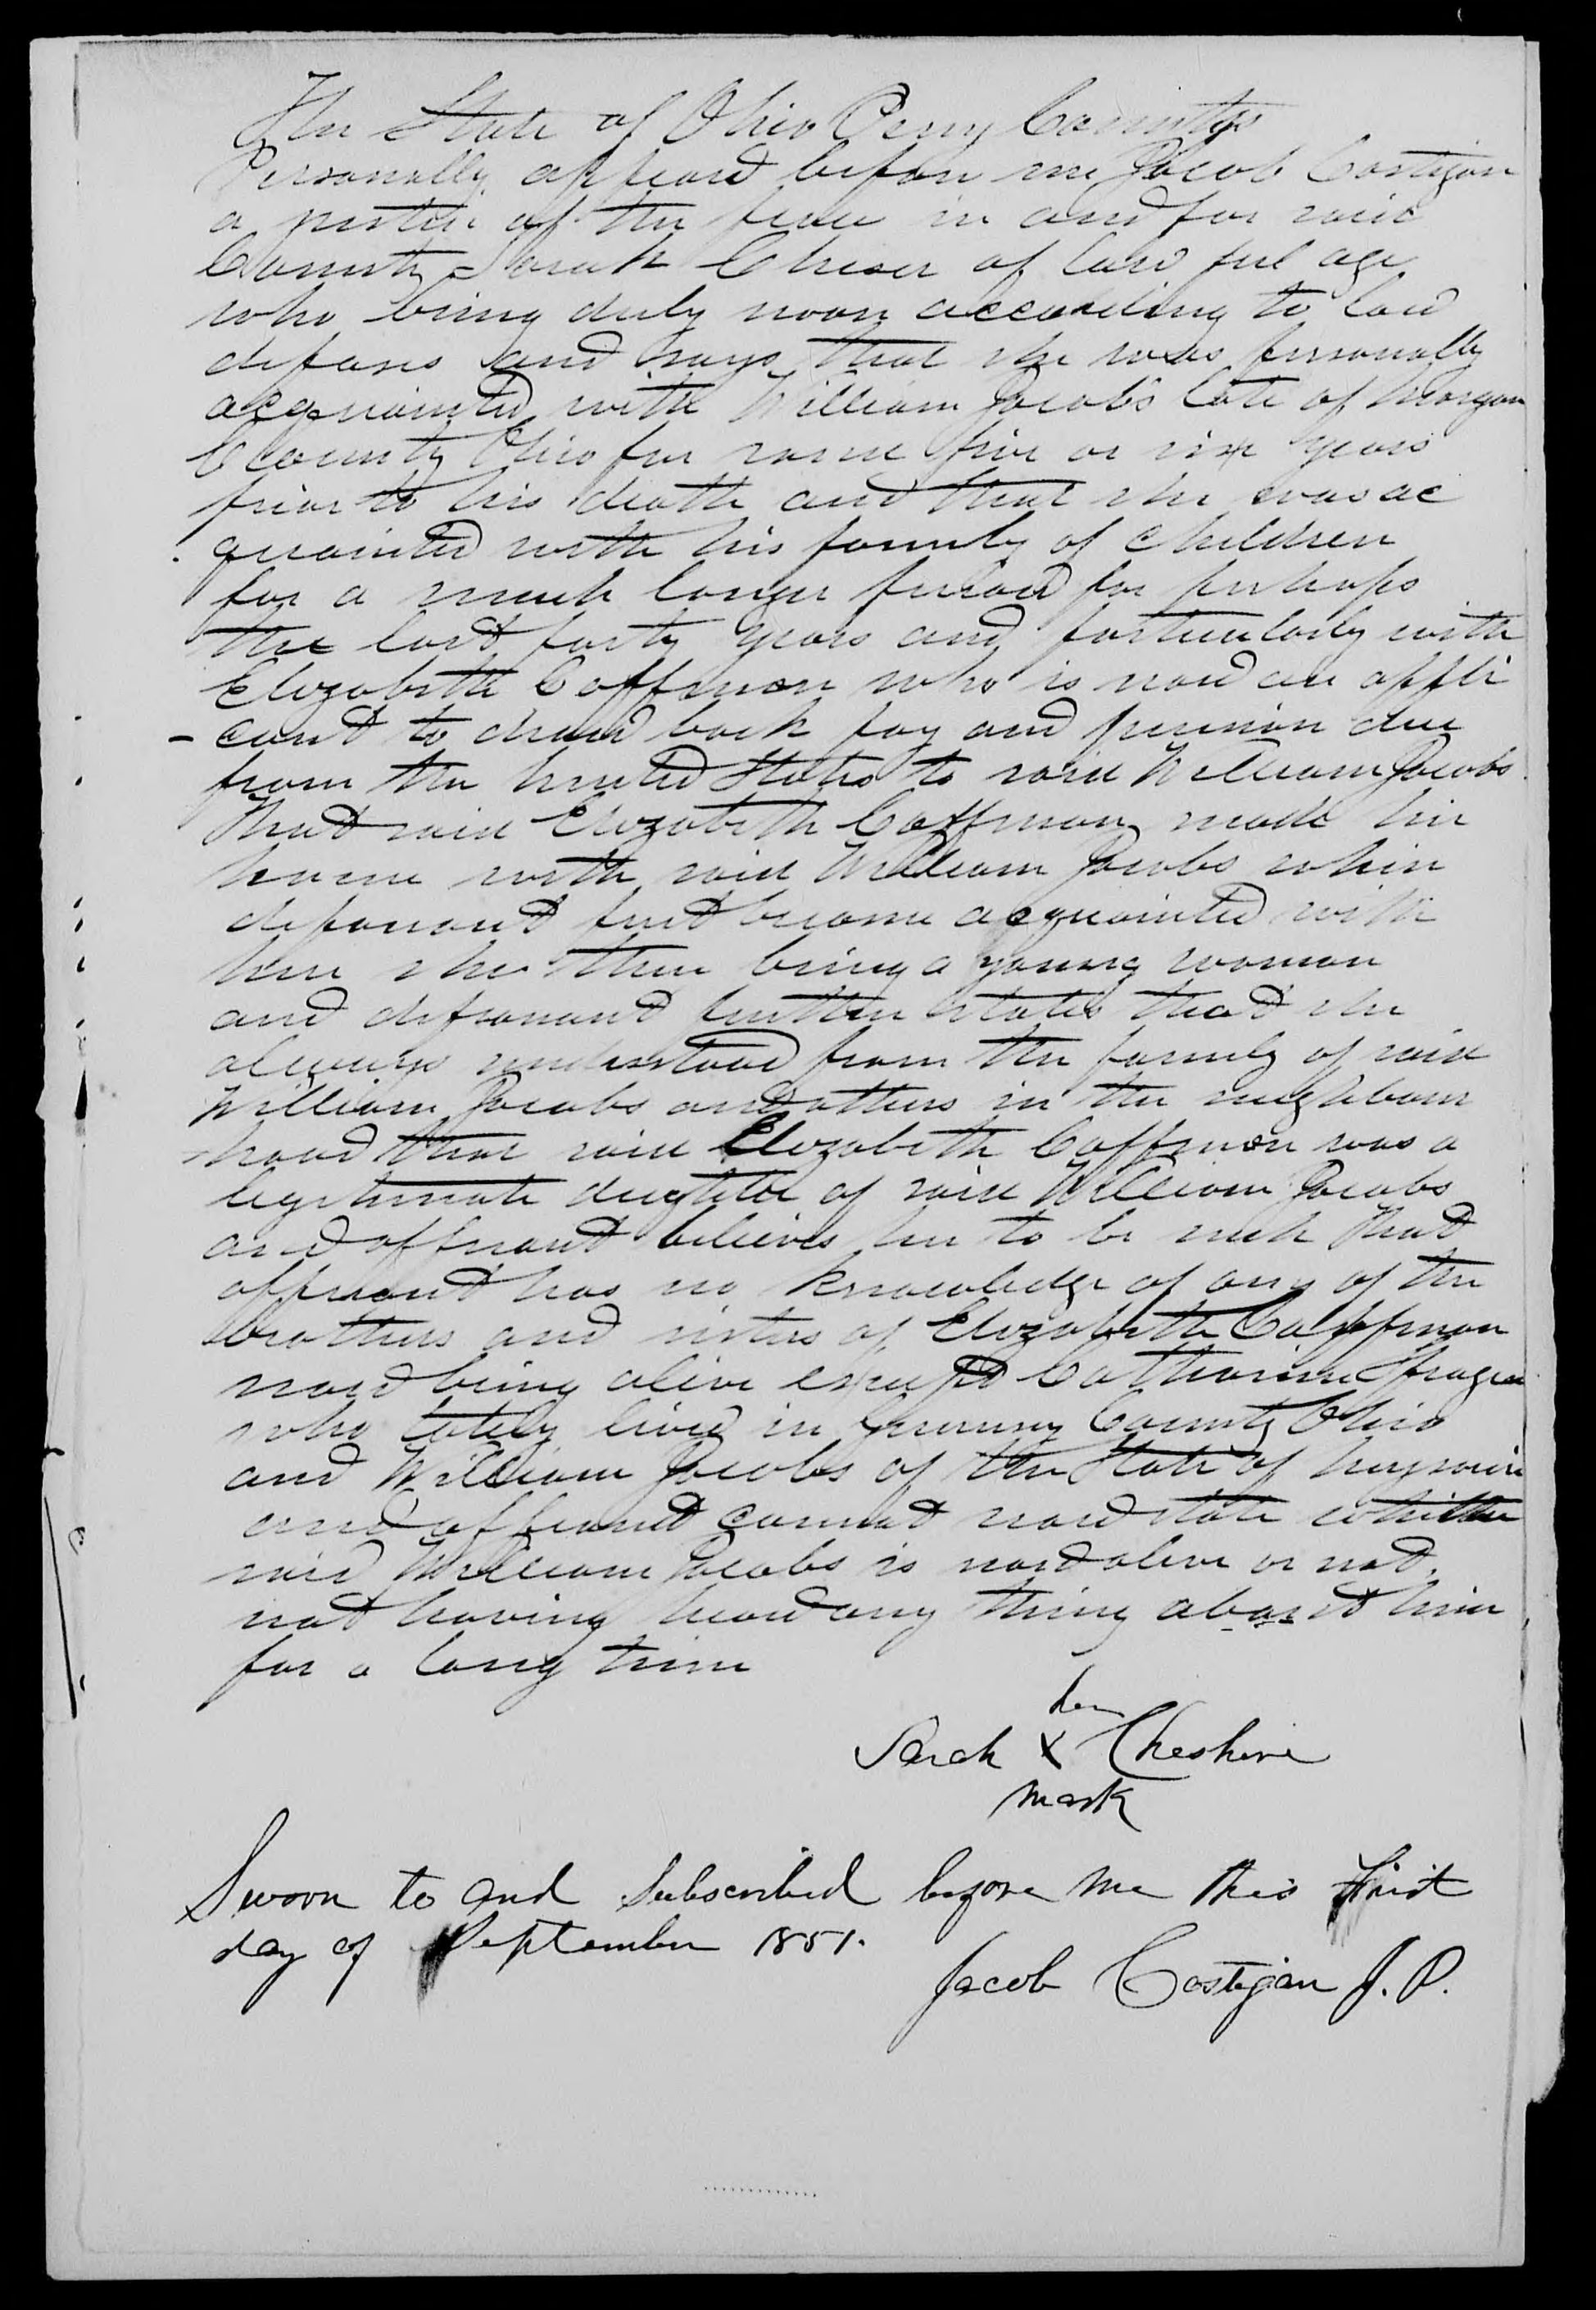The State of Ohio Perry County 
Personally appeared before me Jacob Costigan 
a justice of the peace in and for said 
County Sarah Cheser of lawful age 
who being duly sworn according to law 
declares[?] and says that she was personally acquainted with William Jacobs late of Morgan County Ohio for some five or six years 
prior to his death and that she was acquainted 
with his family of Children 
for a much longer period for perhaps 
the last forty years and particularly with 
Elizabeth Coffman who is now an applicant 
to claim back pay and pension due 
from the United States to said William Jacobs 
that said Elizabeth Coffman made her 
home with said William Jacobs when 
deponent first became acquainted with 
her she then being a young woman 
and deponant further states that she 
always understood from the family of said 
William Jacobs and others in the neighborhood that said Elizabeth Coffman was a 
legitimate dughter [daughter] of said William Jacobs 
and affiant believes her to be such That 
affiant has no knowledge of any of the 
brothers and sisters of Elizabeth Coffman 
now being alive except Catharine Sprague
who lately lived in Guernsey County Ohio 
and William Jacobs of the State of Missouri 
and affiant cannot now state whether said William Jacobs is now alive or not, 
not having heard anything about him 
for a long time 
Sarah Cheshire her X mark 

Sworn to and Subscribed before me this first 
day of September 1851.
Jacob Costigan J.P.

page: 22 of 23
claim: survivor's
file: S. 2289, for William Jacobs, Maryland